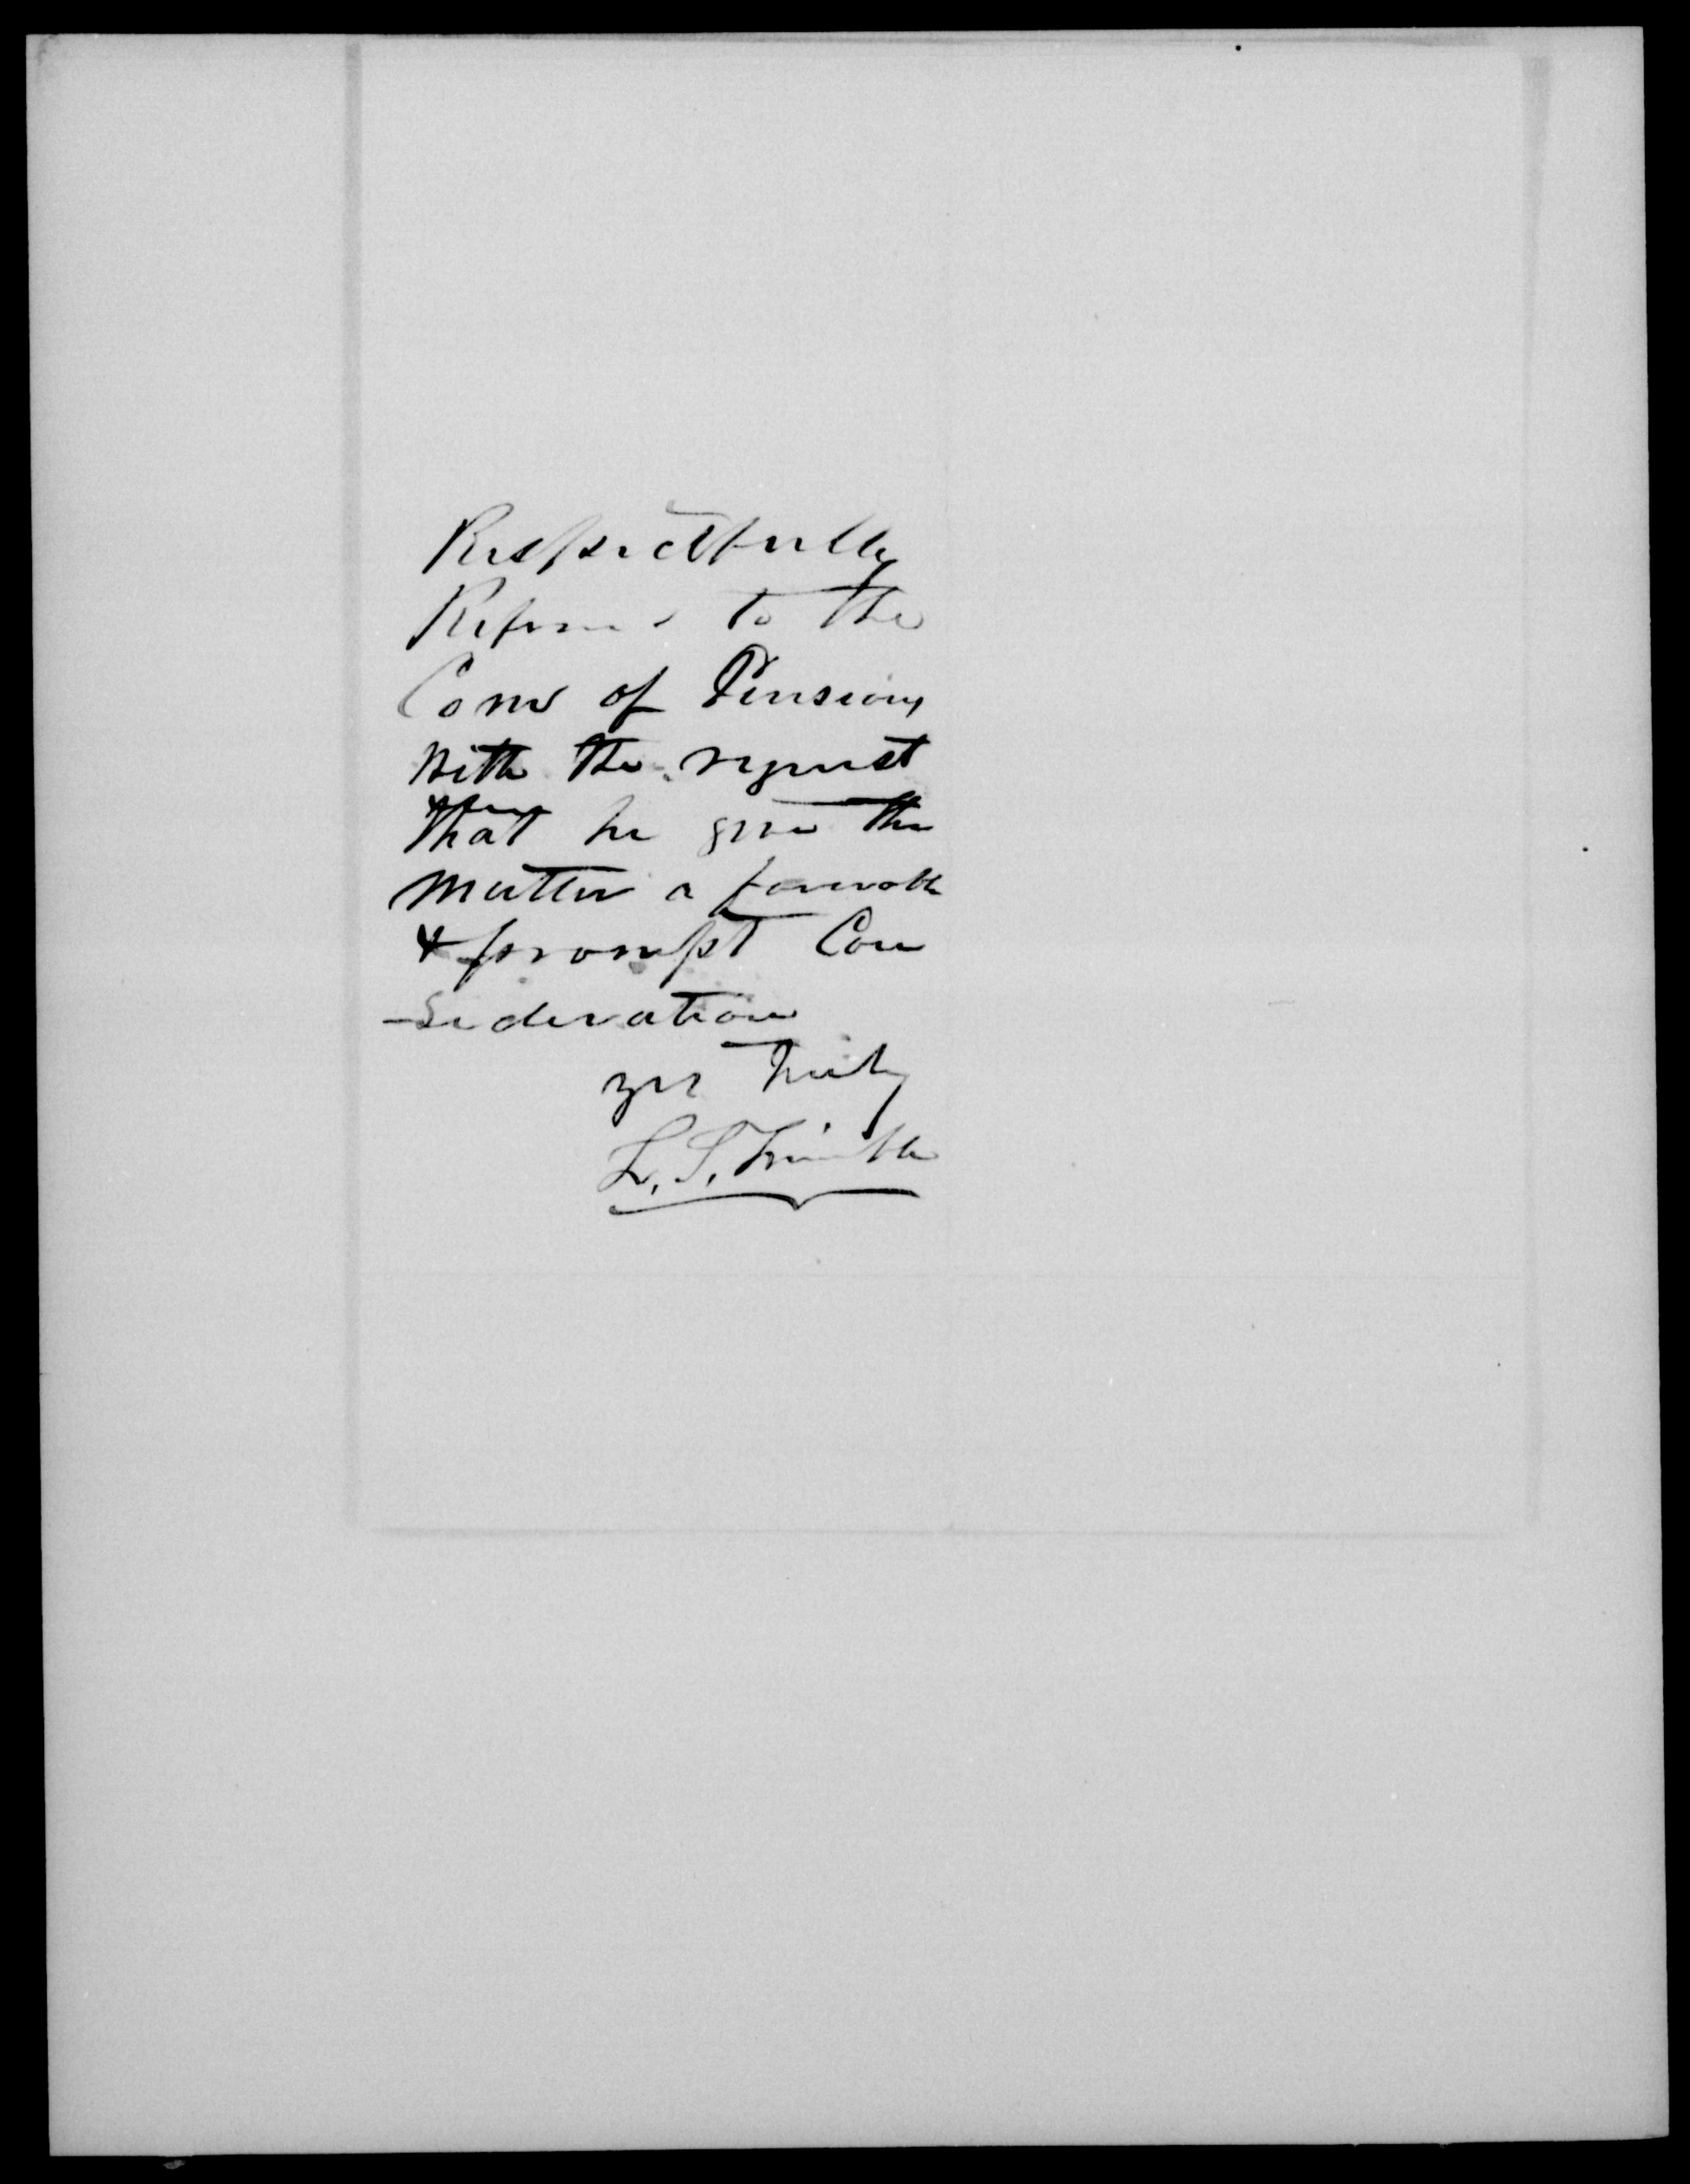Respectfully 
Return to the
Court of Pensions with the njunst 
that he was given the
matter a favorable & prompt 
Consideration
Your Truly L S Trimble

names: L S Trimble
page: 37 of 61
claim: widow's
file: W. 11554, for John Stafford, Maryland